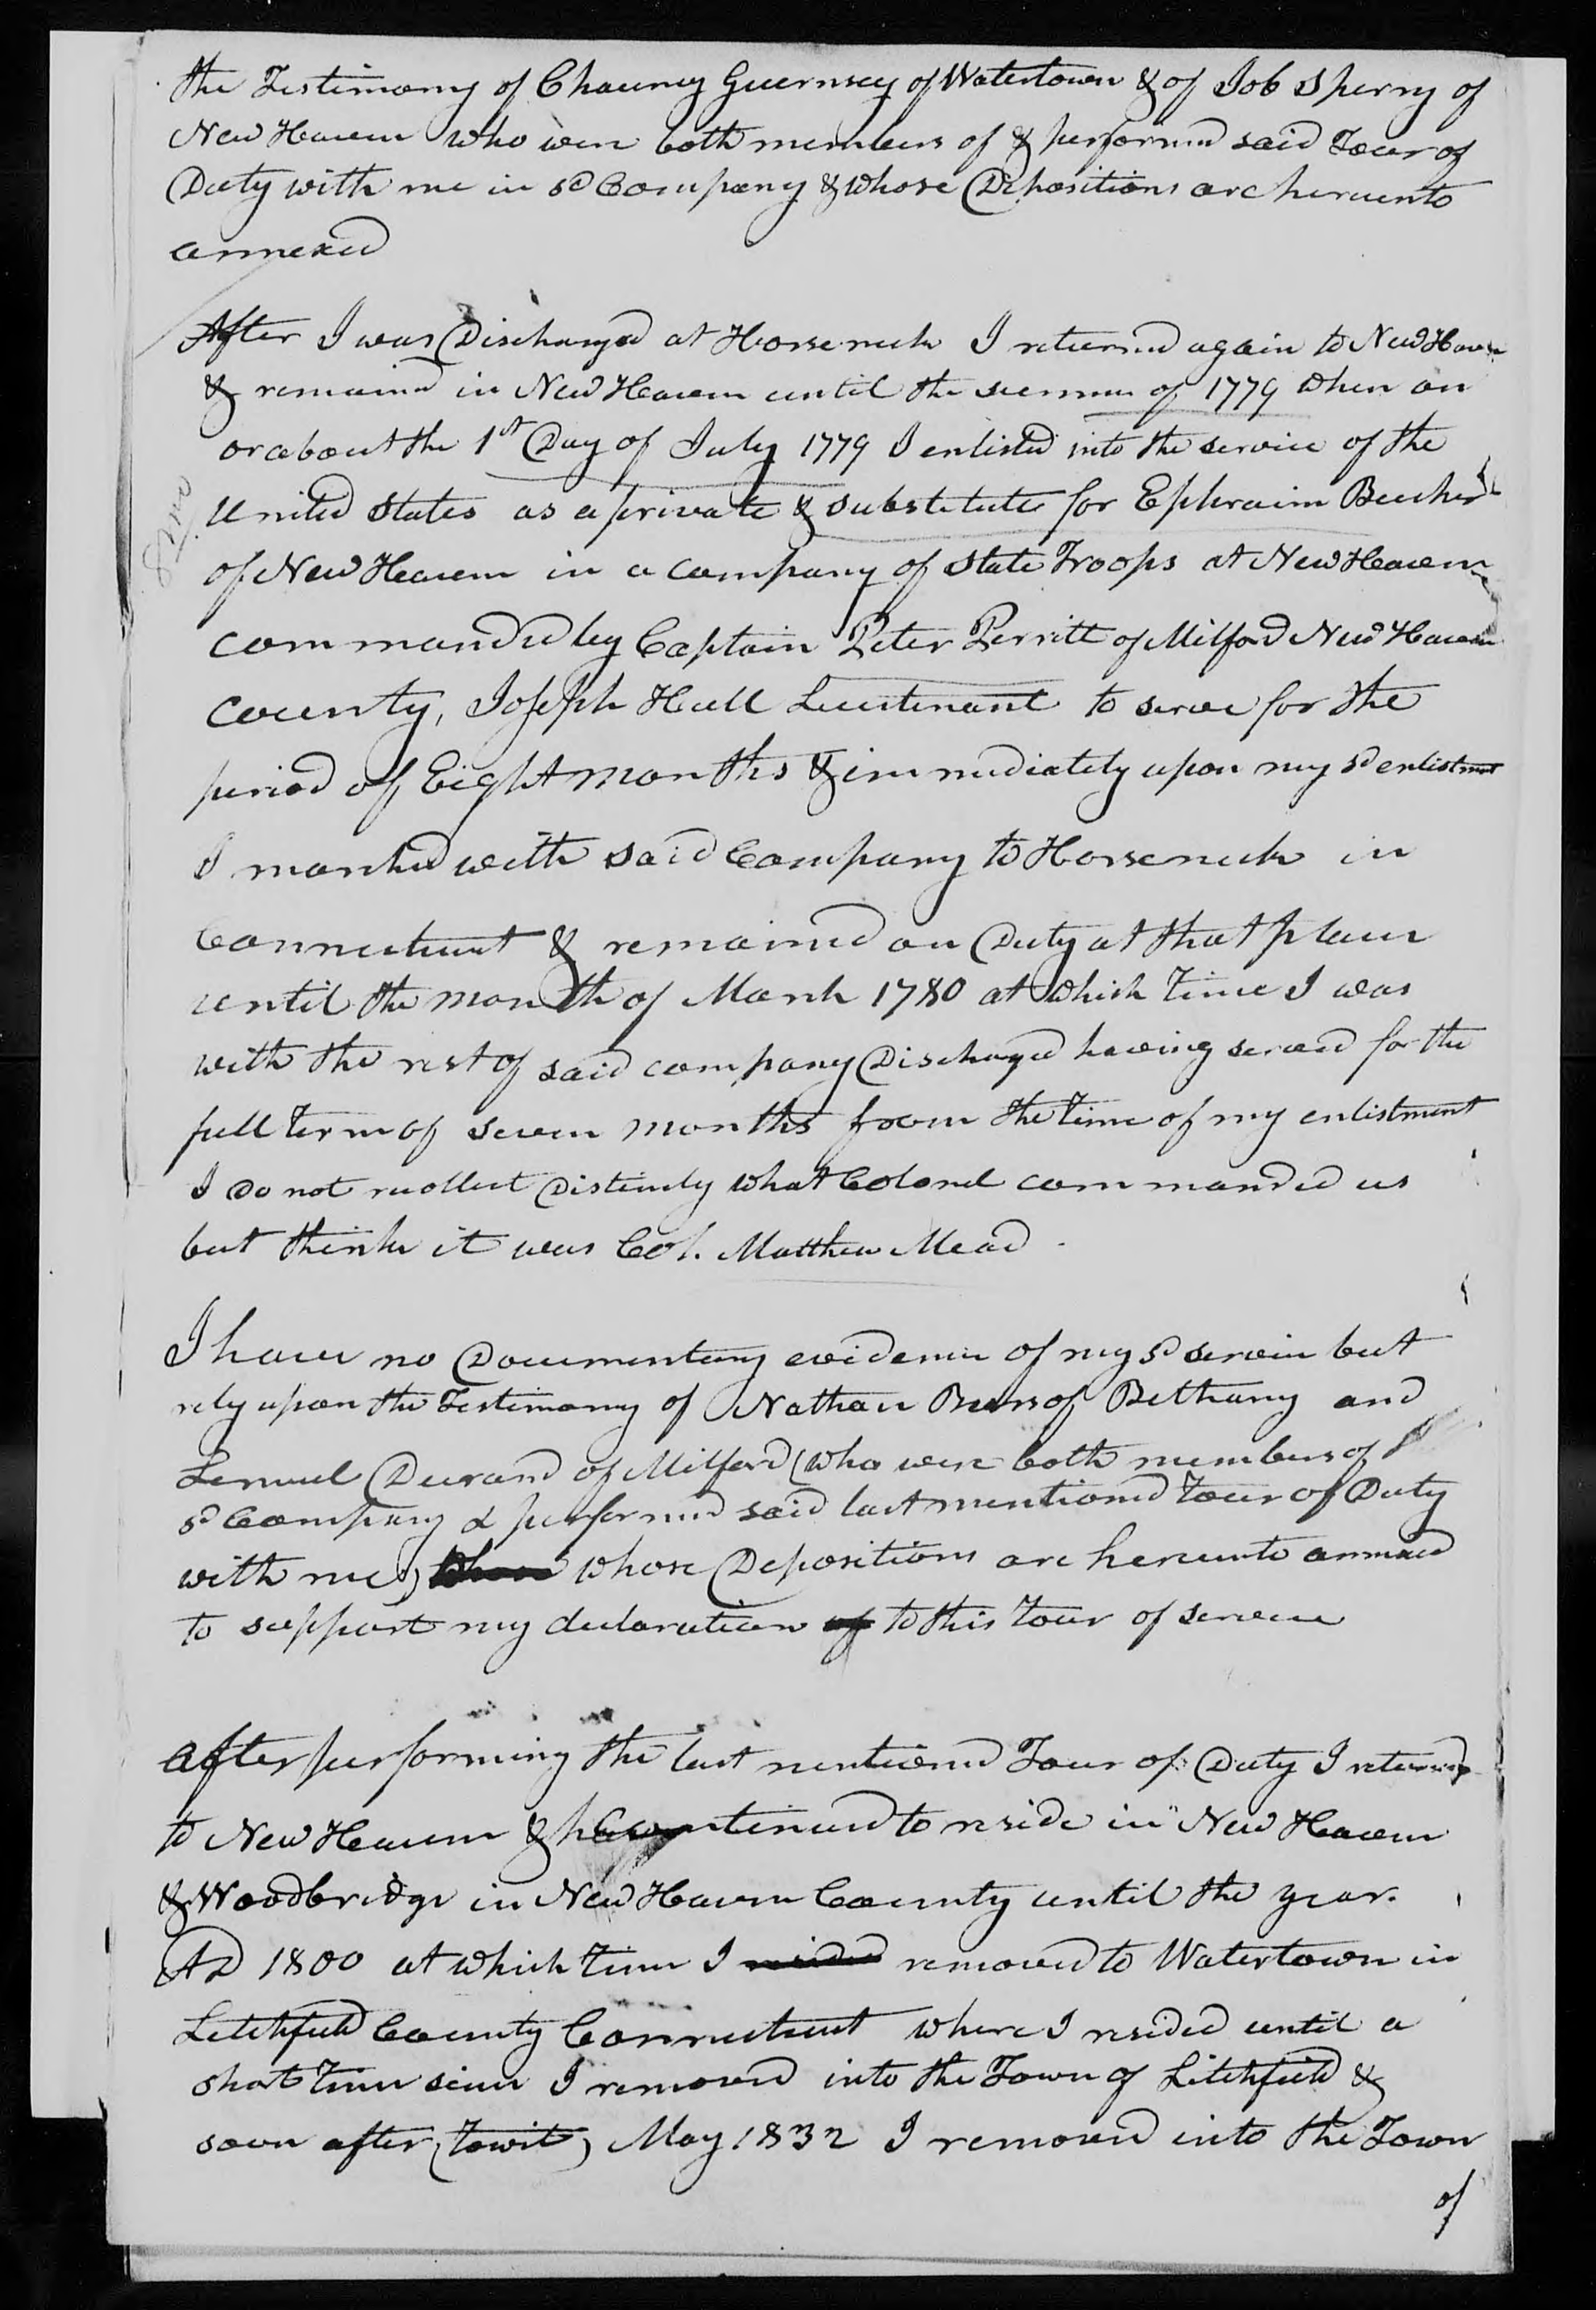the Testimony of Chauncy Guernsey of Watertown & of Job Sperry of New Haven who were both members of & performed said Tour of Duty with me in s'd company & whose Depositions are hereunto annexed
After I was discharged at Horseneck I returned again to New Haven & remained in New Haven until the summer of 1779 when on or about the 1st day of July 1779 I enlisted into the service of the United States as a private & substitute for Ephrain Beecher of New Haven in a company of State Troops at New Haven commanded by Captain Peter Perritt of Milford New Haven County, Joseph Hull Lieutenant to serve for the period of Eight months & immediately upon my s'd enlistment I marched with said company to Horseneck in Connecticut & remained on Duty at that place until the month of March 1780 at which time I was with the rest of said company discharged having served for the full term of Seven Months from the time of my enlistment I do not recollect distinctly what Colonel commanded us but think it was Col. Matthew Mead
I have no Documentary evidence of my s'd service but rely upon the Testimony of Nathan Beers of Bethany and Lemuel Durand of Milford (who were both members of s'd company & performed said last mentioned Tour of Duty with me) whose Depositions are hereunto annexed to support my declaration to this tour of service
After performing the last mentioned Tour of Duty I returned to New Haven & continued to reside in New Haven & Woodbridge in New Haven County until the year AD 1800 at which time I removed to Watertown in Litchfield County Connecticut where I resided until a short time since I removed into the Town of Litchfield & soon after (to wit) May 1832 I removed into the Town of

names: Joseph Hull, Lemuel Durand, Matthew Mead, Nathan Beers, Peter Perritt, Chauncy Guernsey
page: 6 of 21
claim: survivor's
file: S. 14943, Wheeler Beecher, Conn.